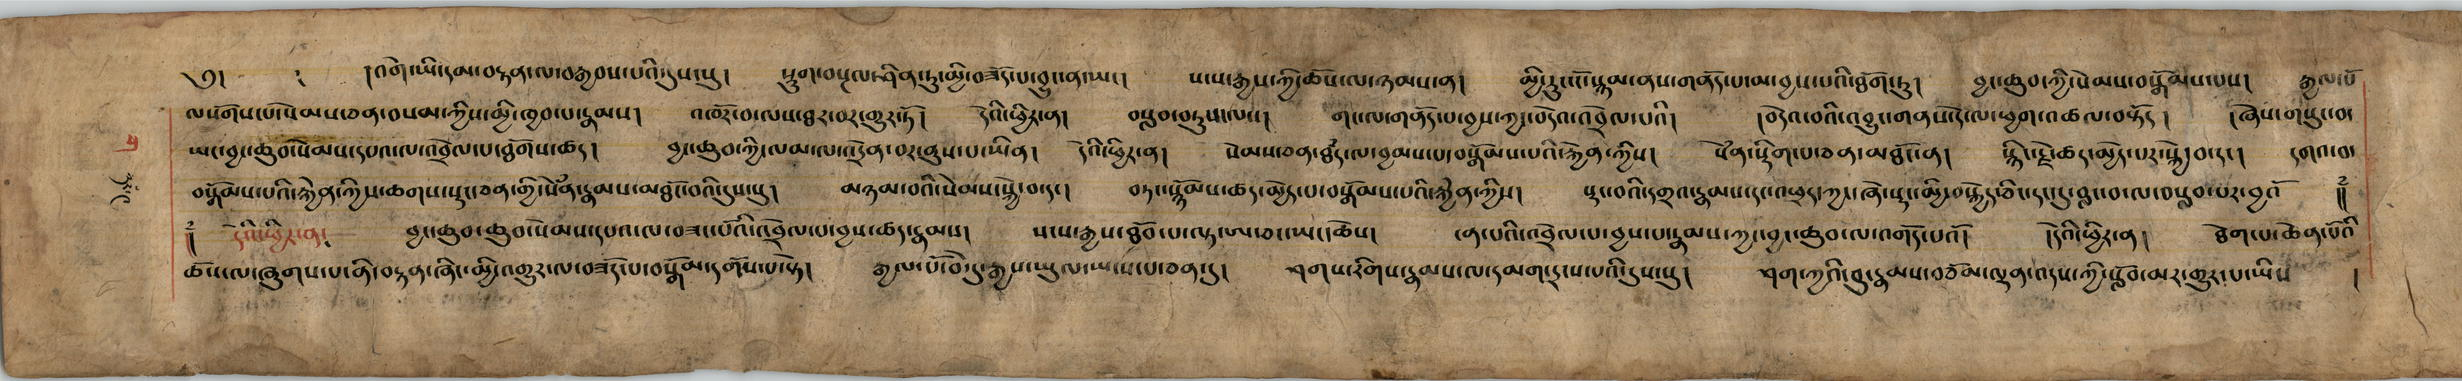༅། །འགེ་ཡི་དམ་བརྟན་ལ་བརྒྱབས་པའི་དུས་སུ། སྡུག་བསྔལ་ཤིན་ཏུ་མྱི་བཟོད་པ་བྱུང་ན་ཡང། སངས་རྒྱས་ཀྱི་ཆོས་ལ་ཉམས་ན། མྱི་རུང་ངོ་སྙམ་ནས་གནོད་པ་མ་བྱས་པའི་ཐོག་ཏུ། བྱང་ཆུབ་སེམས་བསྒོམས་པས། རྒྱལ་པོ
ལསོགས་པ་སེམས་ཅན་བསན་ཀྱིས་མྱི་ཁྱབ་པ་རྣམས། འཁོར་བ་ལས་ཐར་བར་གྱུར་ཏོ། དེའི་ཕྱིར་ན། བསླབ་བཏུས་ལས། གང་ལ་གནོད་པ་བྱས་ཀྱང་བདེའ་འབྲེལ་པའི། །བདེའ་བའི་འབྱུང་གནས་དེ་ལ་ཕྱག་འཚལ་བསྟོད ། །ཞེས་གསུང་བ་
ཡང་བྱང་ཆུབ་སེམས་དཔའ་ལ་འབྲེལ་པ་ཐོགས་ཚད། བྱང་ཆུབ་ཀྱི་ལམ་ལ་འདྲེན་བར་ནུས་པ་ཡིན། དེའི་ཕྱིར་ན། སེམས་ཅན་ཐཾད་ལ་བྱམས་པ་བསྒོམས་པའི་རྐྱེན་ཀྱིས། སེཾན་སྡིག་པ་ཅན་མཐོང་ན། སྙིང་རྗེ་ཚད་མྱེད་པར་སྐྱེ་བ་དང། དགའ་བ་
བསྒོམས་པའི་རྐྱེན་ཀྱིས་ཆགས་སྡང་ཅན་གྱི་སེཾན་རྣམས་མཐོང་བའི་དུས་སུ། མཉམ་བའི་སེམས་སྐྱེ་བ་དང། བཏང་སྙོམས་ཚད་མྱེད་པ་བསྒོམས་པའི་རྐྱེན་ཀྱིས། སྡང་བའོ་དགྲ་རྣམས་དང་འཕྲད་ཀྱང་ཞེ་ྶདང་མྱི་བསྐྱེད་ཅིང་དང་དུ་བླང་བ་ལ་བསླབ་པར་བྱའོ
དེའི་ཕྱིར་ན། བྱང་ཆུབ་ཆུབ་སེམས་དཔའ་ལ་བཟང་པོའི་འབྲེལ་པ་བྱས་ཚད་རྣམས། སངས་རྒྱས་ཐོབ་པ་ལྟ་ཨ་ཅང་ཡང་ཆོས། ངན་པའི་འབྲེལ་པ་བྱས་པ་རྣམས་ཀྱང་བྱང་ཆུབ་ལ་འགོད་པའོ། །དེའི་ཕྱིར་ན། ཐེག་པ་ཆེན་པོའི
ཆོས་ལ་ཞུགས་པ་ནི་བརྟན་ཞིང་མྱི་འགྱུར་ལ་བཟོད་པ་བསྒོམ་དགོས་པ་སྟེ། རྒྱལ་པོ་བེ་དུ་རྒྱས་ཡུལ་ཡངས་པ་ཅན་དུ། ཤགས་རིགས་རྣམས་ལ་དམག་དྲངས་པའི་དུས་སུ། ཤག་ཀྱའི་བུ་རྣམས་བཅོམ་ལྡན་འདས་ཀྱི་སློབ་མར་གྱུར་པ་ཡིས